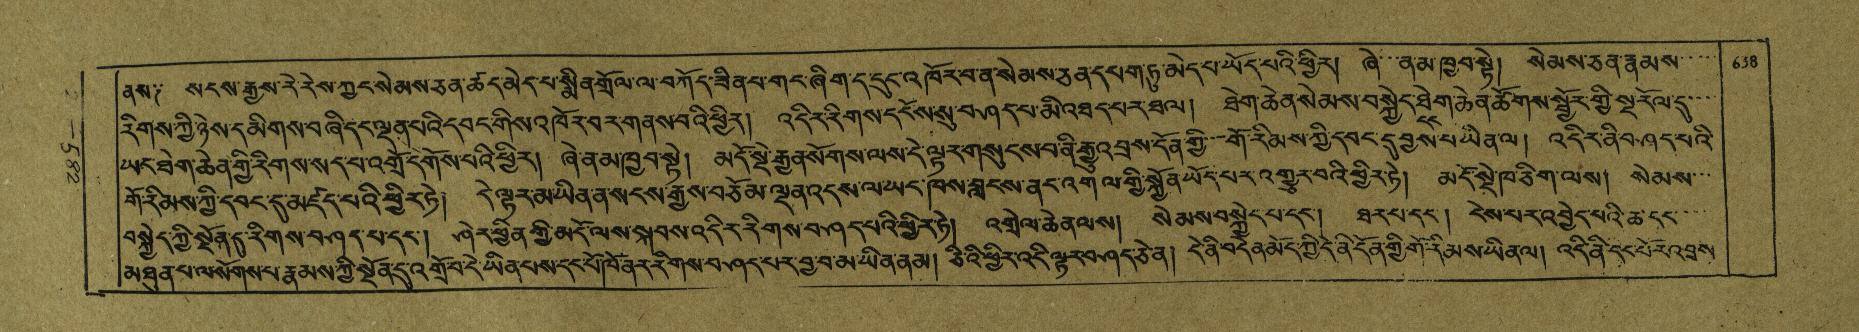ནས༑ སངས་རྒྱས་རེ་རེས་ཀྱང་སེམས་ཅན་ཚད་མེད་པ་སྨིན་གྲོལ་ལ་བཀོད་ཟིན་པ་གང་ཞིག་ད་དུང་འཁོར་བ་ན་སེམས་ཅན་དཔག་ཏུ་མེད་པ་ཡོད་པའི་ཕྱིར། ཞེ་ན་མ་ཁྱབ་སྟེ། སེམས་ཅན་རྣམས་
རིགས་ཀྱི་ཉེས་དམིགས་བཞི་དང་ལྡན་པའི་དབང་གིས་འཁོར་བར་གནས་བའི་ཕྱིར། འདིར་རིགས་དངོས་སུ་བཤད་པ་མི་འཐད་པར་ཐལ། ཐེག་ཆེན་སེམས་བསྐྱེད་དང་ཐེག་ཆེན་ཚོགས་སྦྱོར་གྱི་སྔ་རོལ་དུ་
ཡང་ཐེག་ཆེན་གྱི་རིགས་སད་པ་འགྲོ་དགོས་པའི་ཕྱིར། ཞེ་ན་མ་ཁྱབ་སྟེ། མདོ་སྡེ་རྒྱན་སོགས་ལས་དེ་ལྟར་གསུངས་པ་ནི་རྒྱུ་འབྲས་དོན་གྱི་གོ་རིམས་ཀྱི་དབང་དུ་བྱས་པ་ཡིན་ལ། འདིར་ནི་བཤད་པའི་
གོ་རིམས་ཀྱི་དབང་དུ་མཛད་པའི་ཕྱིར་ཏེ། དེ་ལྟར་མ་ཡིན་ན་སངས་རྒྱས་བཅོམ་ལྡན་འདས་ལ་ཡང་ཁས་བླངས་ནང་འགལ་གྱི་སྐྱོན་ཡོད་པར་འགྱུར་བའི་ཕྱིར་ཏེ། མདོ་སྡེ་ཁ་ཅིག་ལས། སེམས་
བསྐྱེད་ཀྱི་སྔོན་དུ་རིགས་བཤད་པ་དང་། ཤེར་ཕྱིན་གྱི་མདོ་ལས་སྐབས་འདིར་རིགས་བཤད་པའི་ཕྱིར་ཏེ། འགྲེལ་ཆེན་ལས། སེམས་བསྐྱེད་པ་དང་། ཐར་པ་དང་། ངེས་པར་འབྱེད་པའི་ཆ་དང་
མཐུན་པ་ལ་སོགས་པ་རྣམས་ཀྱི་སྔོན་དུ་འགྲོ་བ་དེ་ཡིན་པས་དང་པོ་ཁོ་ནར་རིགས་བཤད་པར་བྱ་བ་མ་ཡིན་ནམ། ཅིའི་ཕྱིར་འདི་ལྟར་བཤད་ཅེ་ན། དེ་ནི་བདེན་མོད་ཀྱི་དེ་ནི་དོན་གྱི་གོ་རིམས་ཡིན་ལ། འདི་ནི་དང་པོར་འབྲས་